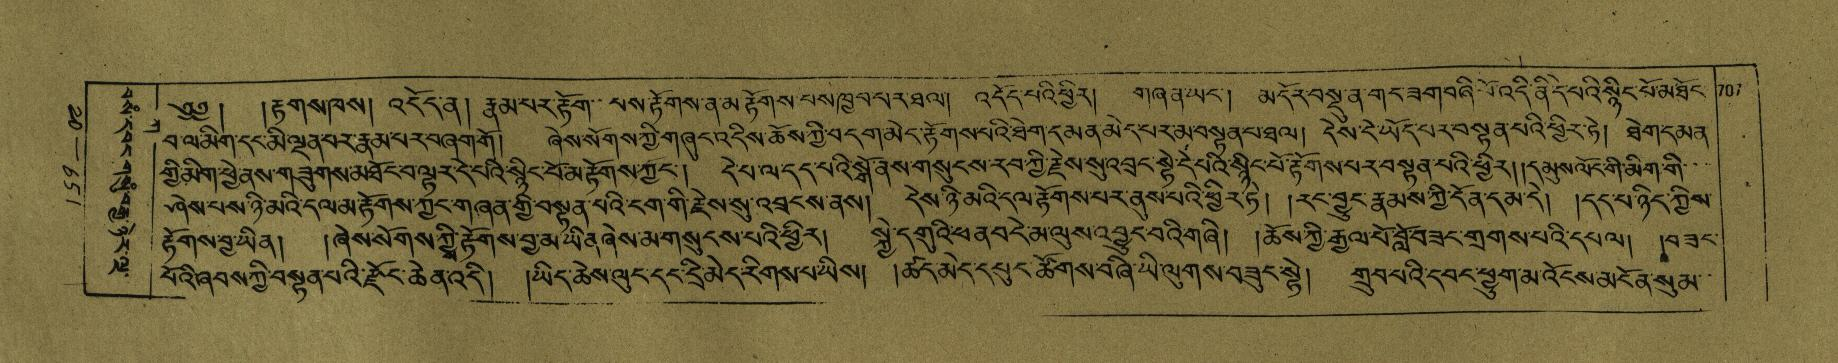༄༅། །རྟགས་ཁས། འདོད་ན། རྣམ་པར་རྟོག་པས་རྟོགས་ན་མ་རྟོགས་པས་ཁྱབ་པར་ཐལ། འདོད་པའི་ཕྱིར། གཞན་ཡང་། མདོར་བསྡུ་ན་གང་ཟག་བཞི་པོ་འདི་ནི་དེ་པའི་སྙིང་པོ་མཐོང་
བ་ལ་མིག་དང་མི་ལྡན་པར་རྣམ་པར་བཞག་གོ། ཞེས་སོགས་ཀྱི་གཞུང་འདིས་ཆོས་ཀྱི་བདག་མེད་རྟོགས་པའི་ཐེག་དམན་མེད་པར་མ་བསྟན་པ་ཐལ། དེས་དེ་ཡོད་པར་བསྟན་པའི་ཕྱིར་ཏེ། ཐེག་དམན་
གྱི་མིག་ཕྱེ་ནས་གཟུགས་མཐོང་བ་ལྟར་དེ་པའི་སྙིང་པོ་མ་རྟོགས་ཀྱང་། དེ་པ་ལ་དད་པའི་སྒོ་ནས་གསུངས་རབ་ཀྱི་རྗེས་སུ་འབྲང་སྟེ་དེ་པའི་སྙིང་པོ་རྟོགས་པར་བསྟན་པའི་ཕྱིར། །དམུས་ལོང་གི་མིག་གི་
ཤེས་པས་ཉི་མའི་དལ་མ་རྟོགས་ཀྱང་གཞན་གྱི་བསྟན་པའི་ངག་གི་རྗེས་སུ་འབྲངས་ནས། དེས་ཉི་མའི་དལ་རྟོགས་པར་ནུས་པའི་ཕྱིར་ཏེ། །རང་བྱུང་རྣམས་ཀྱི་དོན་དམ་དེ། །དད་པ་ཉིད་ཀྱིས་
རྟོགས་བྱ་ཡིན། །ཞེས་སོགས་ཀྱིས་རྟོགས་བྱ་མ་ཡིན་ཞེས་མ་གསུངས་པའི་ཕྱིར། སྐྱེ་དགུའི་ཕན་བདེ་མ་ལུས་འབྱུང་བའི་གཞི། །ཆོས་ཀྱི་རྒྱལ་པོ་བློ་བཟང་གྲགས་པའི་དཔལ། །བཟང་
པོའི་ཞབས་ཀྱི་བསྟན་པའི་རྫོང་ཆེན་འདི། །ཡིད་ཆེས་ལུང་དང་དྲི་མེད་རིགས་པ་ཡིས། །ཚད་མེད་དཔུང་ཚོགས་བཞི་ཡི་ལུགས་བཟུང་སྟེ། གྲུབ་པའི་དབང་ཕྱུག་མ་འོངས་མངོན་སུམ་